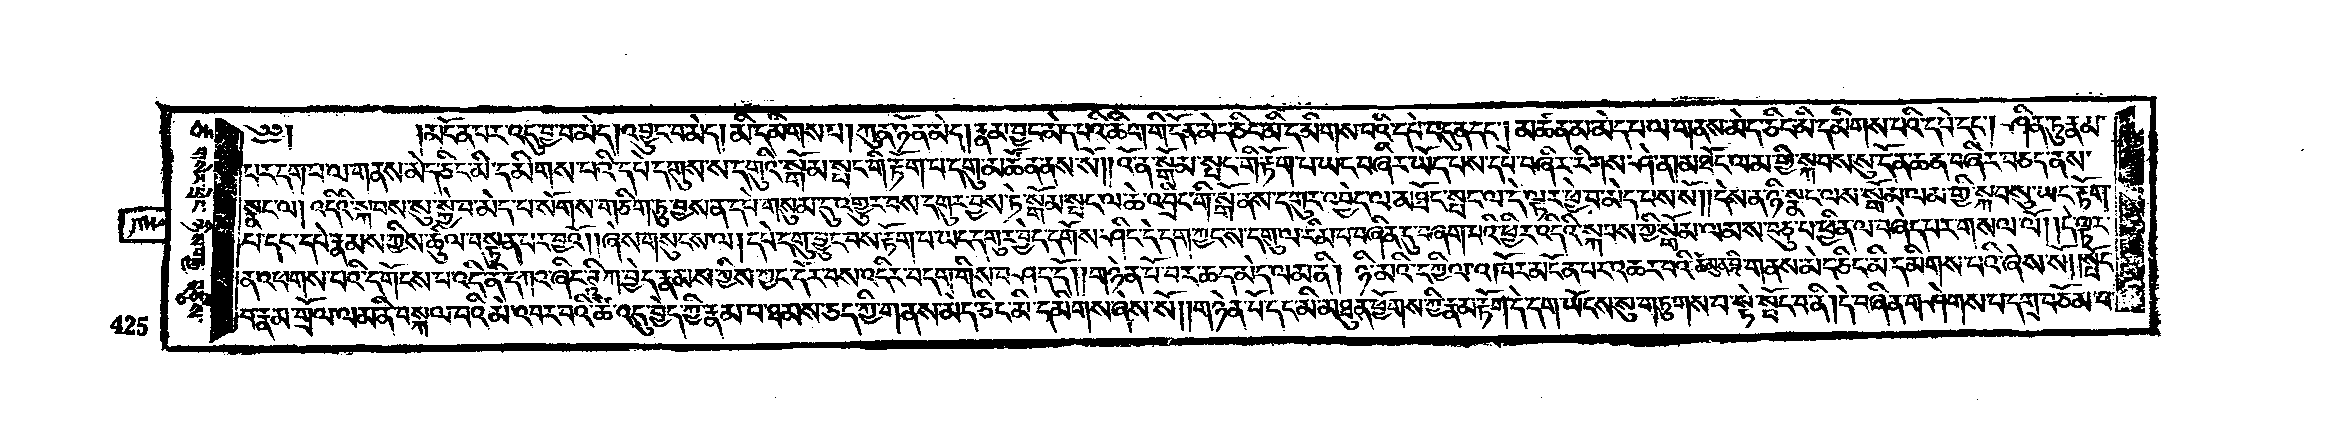༄༅། །མངོན་པར་འདུ་བྱ་བ་མེད། འབྱུང་བ་མེད། མི་དམིགས་པ། ཀུན་ཉོན་མེད། རྣམ་བྱང་མེད་པའི་ཚིག་གི་དོན་མེད་ཅིང་མི་དམིགས་པའི་དཔེ་བདུན་དང་། མཚན་མ་མེད་པ་ལ་གནས་མེད་ཅིང་མི་དམིགས་པའི་དཔེ་དང་། ཤིན་ཏུ་རྣམ་
པར་དག་པ་ལ་གནས་མེད་ཅིང་མི་དམིགས་པའི་དཔེ་དགུས་ས་དགུའི་སྒོམ་སྤང་གི་རྟོག་པ་དགུ་མཚོན་ནས་སོ། །འོ་ན་སྒོམ་སྤང་གི་རྟོག་པ་ཡང་བཞིར་ཡོད་པས་དཔེ་བཞིར་རིགས་ཤེ་ན། མཐོང་ལམ་གྱི་སྐབས་སུ་དོན་ཆེན་བཞིར་བཅད་ནས་
སྣང་ལ། འདིའི་སྐབས་སུ་སྐྱེ་བ་མེད་པ་སོགས་གཅིག་ཏུ་བྱས་ན་དཔེ་གསུམ་དུ་འགྱུར་བས་དགུར་བྱས་ཏེ་སྒོམ་སྤང་ལ་ཆེ་འབྲིང་གི་སྒོ་ནས་དགུར་འབྱེད་ལ་མཐོང་སྤང་ལ་དེ་ལྟར་ཕྱེ་བ་མེད་པས་སོ། །དེས་ན་ཉི་སྣང་ལས་སྒོམ་ལམ་གྱི་སྐབས་སུ་ཡང་རྟོག་
པ་དང་དཔེ་རྣམས་ཀྱིས་ཚུལ་བསྟུན་པར་བྱའོ། །ཞེས་གསུངས་ལ། དཔེ་དགུ་བྱུང་བས་རྟོག་པ་ཡང་དགུར་བྱེད་དགོས་ཤིང་དེ་དག་ཀྱང་ས་དགུ་ལ་རིམ་པ་བཞིན་དུ་བཞག་པའི་ཕྱིར་འདིའི་སྐབས་ཀྱི་སྒོམ་ལམ་ས་བཅུ་པ་ཕྱིན་ལ་བཞེད་པར་གསལ་ལོ། །དེ་ལྟར་
ན་འཕགས་པའི་དགོངས་པ་འདི་ནི་དཀའ་ཞིང་ཊཱིཀ་བྱེད་རྣམས་ཀྱིས་ཀྱང་དོར་བས་འདིར་བདག་གིས་བཤད་དོ། །གཉེན་པོ་བར་ཆད་མེད་ལམ་ནི། ཉི་མའི་དཀྱིལ་འཁོར་མངོན་པར་འཆར་བའི་ཚེ་མུན་པའི་གནས་མེད་ཅིང་མི་དམིགས་པའི་ཞེས་སོ། །སྤོང་
པ་རྣམ་གྲོལ་ལམ་ནི་བསྐལ་པའི་མེ་འབར་བའི་ཚེ་འདུ་བྱེད་ཀྱི་རྣམ་པ་ཐམས་ཅད་ཀྱི་གནས་མེད་ཅིང་མི་དམིགས་ཞེས་སོ། །གཉེན་པོ་དང་མི་མཐུན་ཕྱོགས་ཀྱི་རྣམ་རྟོག་དེ་དག་ཡོངས་སུ་གཏུགས་པ་སྟེ་སྤོང་བ་ནི། དེ་བཞིན་གཤེགས་པ་དགྲ་བཅོམ་པ་